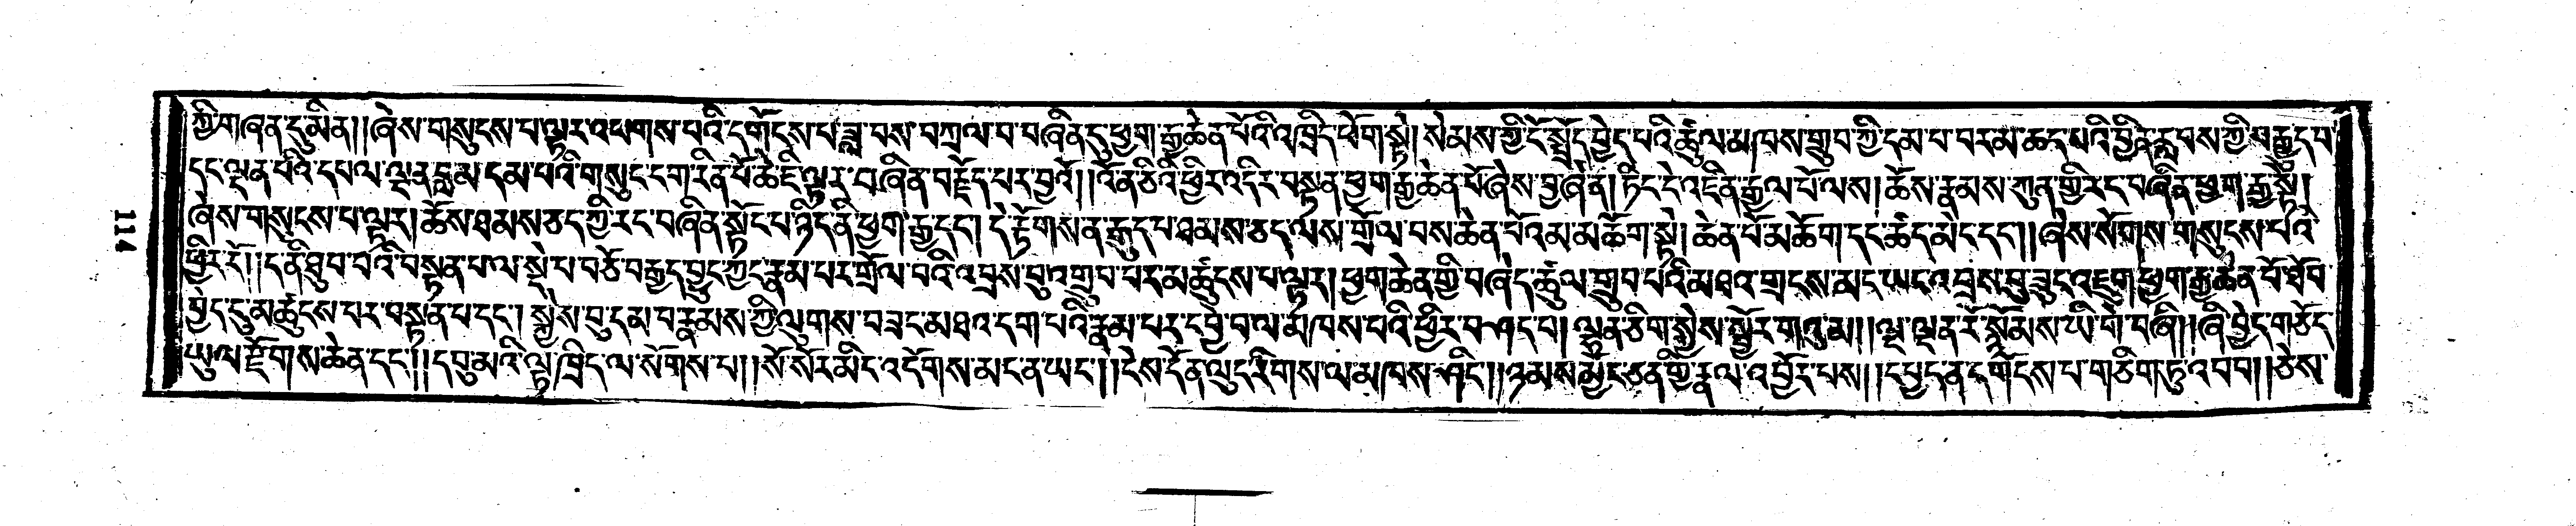ཀྱི་གཞན་དུ་མིན། །ཞེས་གསུངས་པ་ལྟར་འཕགས་པའི་དགོངས་པ་ཟླ་བས་བཀྲལ་བ་བཞིན་དུ་ཕྱག་རྒྱ་ཆེན་པོའི་འཁྲིད་ཕོག་སྟེ། སེམས་ཀྱི་ངོ་སྤྲོད་བྱེད་པའི་ཚུལ་མཁས་གྲུབ་ཀྱི་དམ་པ་བར་མ་ཆད་པའི་བྱིན་རླབས་ཀྱི་བརྒྱུད་པ་
དང་ལྡན་པའི་དཔལ་ལྡན་བླ་མ་དམ་པའི་གསུང་ངག་རིན་པོ་ཆེ་ཇི་ལྟ་བ་བཞིན་བརྗོད་པར་བྱའོ། །འོ་ན་ཅིའི་ཕྱིར་འདིར་བསྟན་ཕྱག་རྒྱ་ཆེན་པོ་ཞེས་བྱ་ཞེ་ན། ཏིང་ངེ་འཛིན་རྒྱལ་པོ་ལས། ཆོས་རྣམས་ཀུན་གྱི་རང་བཞིན་ཕྱག་རྒྱ་སྟེ།
ཞེས་གསུངས་པ་ལྟར། ཆོས་ཐམས་ཅད་ཀྱི་རང་བཞིན་སྟོང་པ་ཉིད་ནི་ཕྱག་རྒྱ་དང་། དེ་རྟོགས་ན་རྒུད་པ་ཐམས་ཅད་ལས་གྲོལ་བས་ཆེན་པོའམ་མཆོག་སྟེ། ཆེན་པོ་མཆོག་དང་ཚད་མེད་དང་། །ཞེས་སོགས་གསུངས་པའི་
ཕྱིར་རོ། །ད་ནི་ཐུབ་པའི་བསྟན་པ་ལ་སྡེ་པ་བཅོ་བརྒྱད་བྱུང་ཀྱང་རྣམ་པར་གྲོལ་བའི་འབྲས་བུ་འགྲུབ་པར་མཚུངས་པ་ལྟར། ཕྱག་ཆེན་གྱི་བཞེད་ཚུལ་གྲུབ་པའི་མཐའ་གྲངས་མང་ཡང་འབྲས་བུ་ཟུང་འཇུག་ཕྱག་རྒྱ་ཆེན་པོ་ཐོབ་
བྱེད་དུ་མཚུངས་པར་བསྟན་པ་དང་། སྐྱེས་བུ་དམ་པ་རྣམས་ཀྱི་ལུགས་བཟང་མཐའ་དག་པའི་རྣམ་པར་དབྱེ་བ་ལ་མཁས་པའི་ཕྱིར་བཤད་པ། ལྷན་ཅིག་སྐྱེས་སྦྱོར་གའུ་མ། །ལྔ་ལྡན་རོ་སྙོམས་ཡི་གེ་བཞི། །ཞི་བྱེད་གཅོད་
ཡུལ་རྫོགས་ཆེན་དང་། །དབུ་མའི་ལྟ་ཁྲིད་ལ་སོགས་པ། །སོ་སོར་མིང་འདོགས་མང་ན་ཡང་། །ངེས་དོན་ལུང་རིགས་ལ་མཁས་ཤིང་། །ཉམས་མྱོང་ཅན་གྱི་རྣལ་འབྱོར་པས། །དཔྱད་ན་དགོངས་པ་གཅིག་ཏུ་འབབ། །ཅེས་